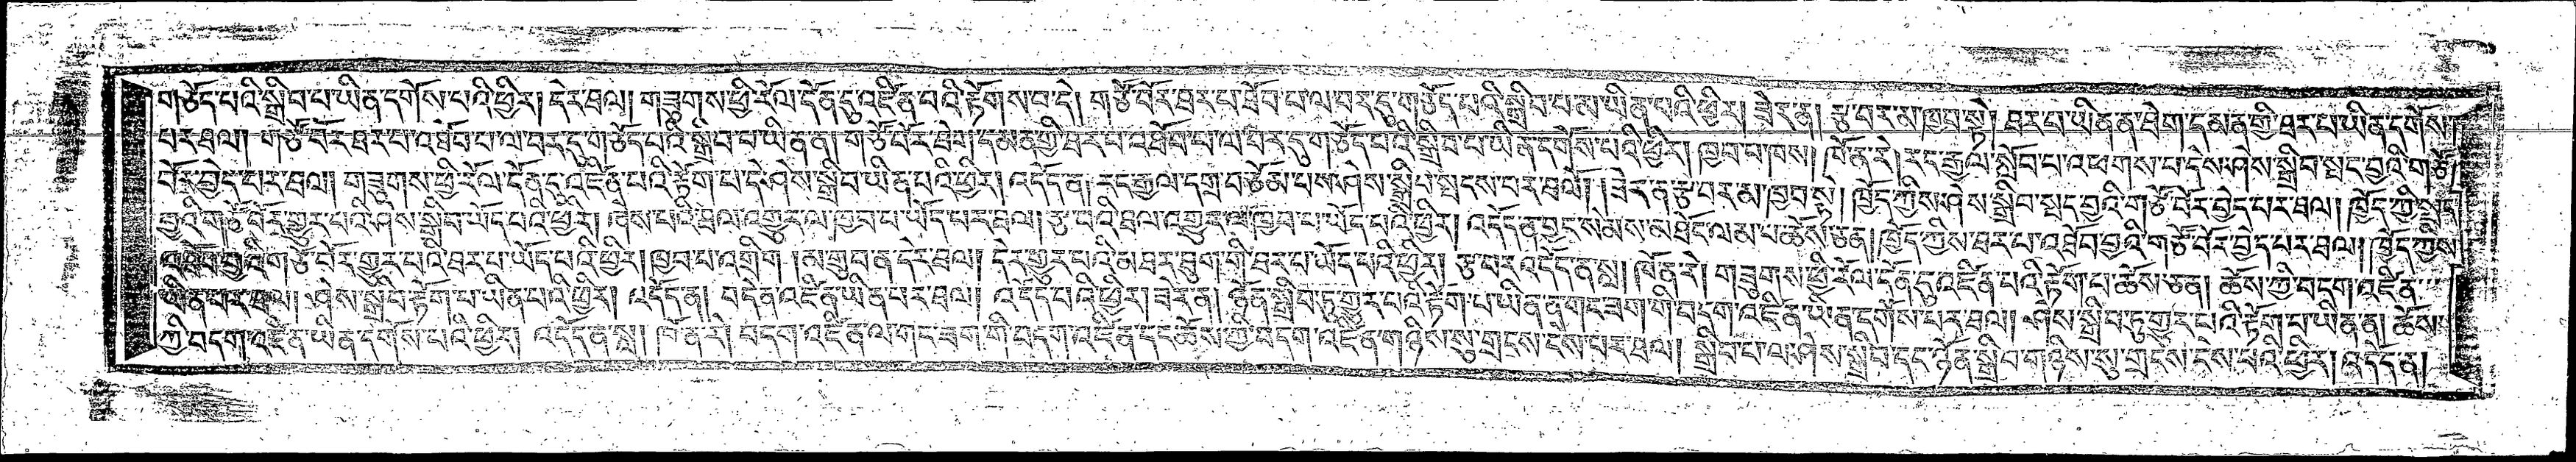གཅོད་པའི་སྒྲིབ་པ་ཡིན་དགོས་པའི་ཕྱིར། དེར་ཐལ། གཟུགས་ཕྱི་རོལ་དོན་དུ་འཛིན་པའི་རྟོགས་པ་དེ། གཙོ་བོར་ཐར་པ་ཐོབ་པ་ལ་བར་དུ་གཅོད་པའི་སྒྲིབ་པ་མ་ཡིན་པའི་ཕྱིར། ཟེར་ན། རྩ་བར་མ་ཁྱབ་སྟེ། ཐར་པ་ཡིན་ན་ཐེག་དམན་གྱི་ཐར་པ་ཡིན་དགོས་
པར་ཐལ། གཙོ་བོར་ཐར་པ་འཐོབ་པ་ལ་བར་དུ་གཅོད་པའི་སྒྲིབ་པ་ཡིན་ན། གཙོ་བོར་ཐེག་དམན་གྱི་ཐར་པ་འཐོབ་པ་ལ་བར་དུ་གཅོད་པའི་སྒྲིབ་པ་ཡིན་དགོས་པའི་ཕྱིར། ཁྱབ་པ་ཁྱས། ཁོ་ན་རེ། རང་རྒྱལ་སློབ་པ་འཕགས་པ་དེས་ཤེས་སྒྲིབ་སྤང་བྱའི་གཙོ་
བོར་བྱེད་པར་ཐལ། གཟུགས་ཕྱི་རོལ་དོན་དུ་འཛིན་པའི་རྟོག་པ་དེ་ཤེས་སྒྲིབ་ཡིན་པའི་ཕྱིར། འདོད་ན། རང་རྒྱལ་དགྲ་བཅོམ་པས་ཤེས་སྒྲིབ་སྤངས་པར་ཐལ་ལོ། །ཟེར་ན་རྩ་བར་མ་ཁྱབ་སྟེ། ཁྱོད་ཀྱིས་ཤེས་སྒྲིབ་སྤང་བྱའི་གཙོ་བོར་བྱེད་པར་ཐལ། ཁྱོད་ཀྱི་སྤང་
བྱའི་གཙོ་བོར་གྱུར་པའི་ཤེས་སྒྲིབ་ཡོད་པའི་ཕྱིར། ཞེས་པའི་ཐལ་འགྱུར་ལ་ཁྱབ་པ་ཡོད་པར་ཐལ། རྩ་བའི་ཐལ་འགྱུར་ལ་ཁྱབ་པ་ཡོད་པའི་ཕྱིར། འདོད་ན་བྱང་སེམས་མཐོང་ལམ་པ་ཆོས་ཅན། ཁྱོད་ཀྱིས་ཐར་པ་འཐོབ་བྱའི་གཙོ་བོར་བྱེད་པར་ཐལ། ཁྱོད་ཀྱིས་
འཐོབ་བྱའི་གཙོ་བོར་གྱུར་པའི་ཐར་པ་ཡོད་པའི་ཕྱིར། ཁྱབ་པ་འགྲིག །མ་གྲུབ་ན་དེར་ཐལ། དེར་གྱུར་པའི་མཐར་ཐུག་གི་ཐར་པ་ཡོད་པའི་ཕྱིར། རྩ་བར་འདོད་ན་སླ། ཁོ་ན་རེ། གཟུགས་ཕྱི་རོལ་དོན་དུ་འཛིན་པའི་རྟོག་པ་ཆོས་ཅན། ཆོས་ཀྱི་བདག་འཛིན་
ཡིན་པར་ཐལ། ཤེས་སྒྲིབ་རྟོག་པ་ཡིན་པའི་ཕྱིར། འདོད་ན། བདེན་འཛིན་ཡིན་པར་ཐལ། འདོད་པའི་ཕྱིར། ཟེར་ན། ཉོན་སྒྲིབ་ཏུ་གྱུར་པའི་རྟོག་པ་ཡིན་ན་གང་ཟག་གི་བདག་འཛིན་ཡིན་དགོས་པར་ཐལ། ཤེས་སྒྲིབ་ཏུ་གྱུར་པའི་རྟོག་པ་ཡིན་ན། ཆོས་
ཀྱི་བདག་འཛིན་ཡིན་དགོས་པའི་ཕྱིར། འདོད་ན་སླ། ཁོ་ན་རེ། བདག་འཛིན་ལ་གང་ཟག་གི་བདག་འཛིན་དང་ཆོས་ཀྱི་བདག་འཛིན་གཉིས་སུ་གྲངས་ངེས་པར་ཐལ། སྒྲིབ་པ་ལ་ཤེས་སྒྲིབ་དང་ཉོན་སྒྲིབ་གཉིས་སུ་གྲངས་ངེས་པའི་ཕྱིར། འདོད་ན།